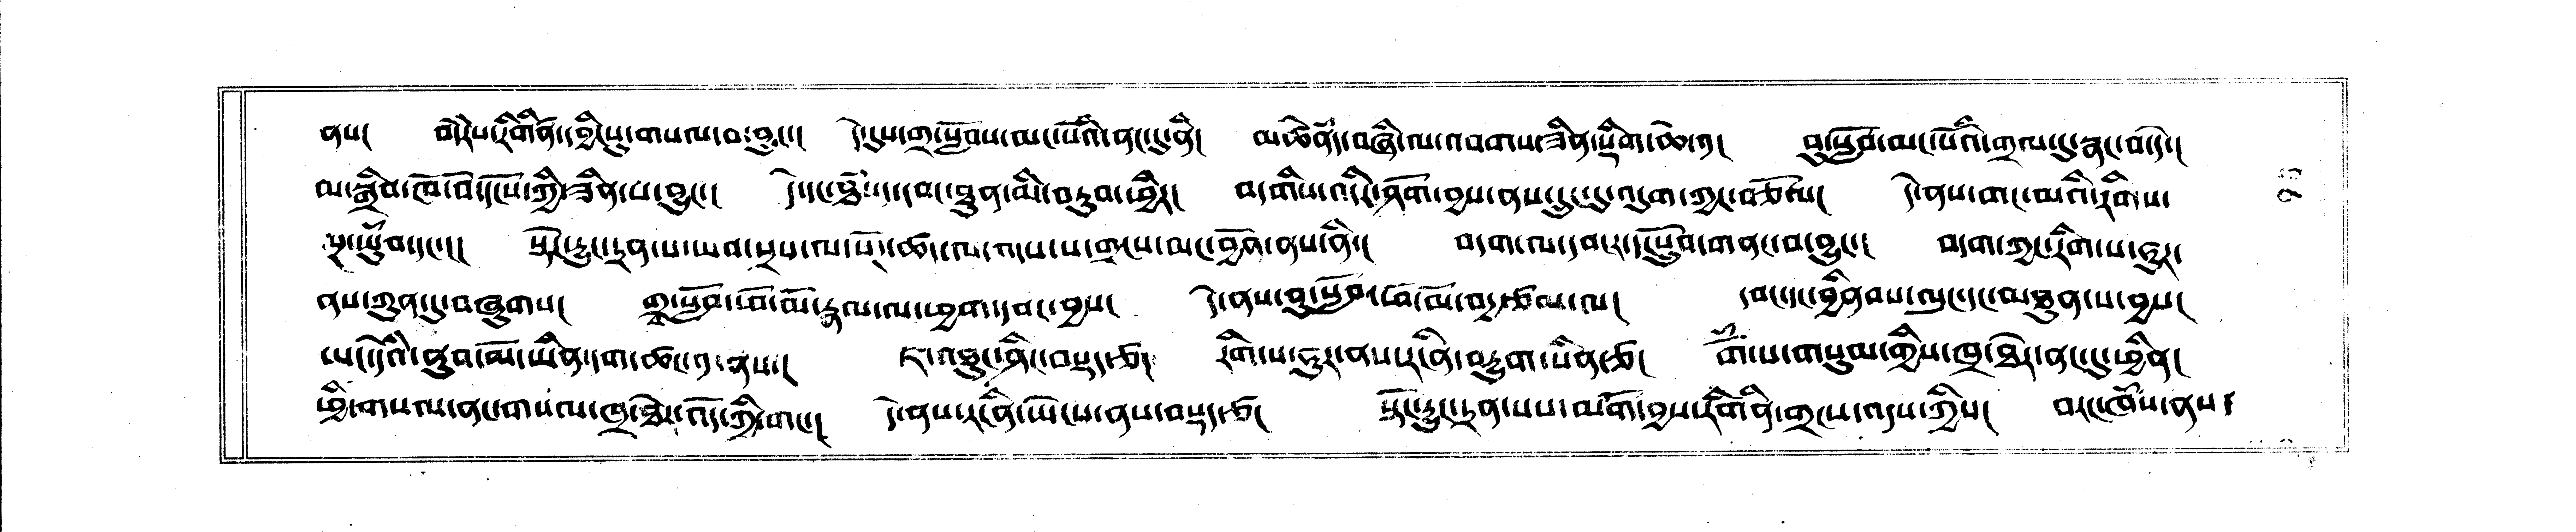ནས། བདེར་གཤེགས་རིག་འཛིན་དབྱིངས་སུ་གསལ་བ་བྱུང་། དེ་དུས་གྲ་སློབ་མང་པོའི་ནང་དུ་ནི། མཚན་མེད་བཞི་ལ་འབགས་ཟིན་སྡིག་ཆེ་གཅིག བུ་སློབ་མང་པོའི་གྲལ་དུ་སྣང་བ་དེ་
མ་སྒྲིབ་ཁོ་བོ་དངོས་ཀྱི་ཟིན་པ་བྱུང་། དེ་དང་ཐམས་ཅད་དབང་ཐུན་མི་བཏུབ་ཕྱིར། བདག་གིས་འདིར་ཤོག་བྱས་ནས་དྲུང་དུ་འདུག་ཀྱང་བཅོལ། དེ་ནས་གང་མའི་རིགས་
ལྔ་ཡབ་ཡུམ་དང་། སྟོང་རྒྱུང་དྲན་པ་ཡབ་སྲས་ལ་སོགས་ཚད་ལ་འདས་པ་གྲངས་མང་བྱོན་ནས་ནི། བདག་ལ་དབང་དངོས་གྲུབ་གནང་བ་བྱུང་། བདག་ཀྱང་རིག་པ་ཧུར་
ནས་ཀུན་ཏུ་བཞུགས། གྲྭ་སློབ་ཕོ་མོ་རྣམས་ལ་ཕྱག་དབང་བྱས། དེ་ནས་བུ་སློབ་ཕོ་མོ་བརྒྱ་ཙམ་ལ། དབང་དང་བྱིན་རླབས་ལུང་དང་མཐུན་པ་བྱས། 
ཡང་དེའི་ནུབ་མོ་ཡིན་དག་ཚང་གཅིག་ནས། ཇ་འཐུང་ཤིང་བསྡད་ཙ། རིག་པ་ཧུར་ནས་རང་བཞིན་བརྒྱུག་སིན་ཙ། གོམ་པ་གསུམ་གྱིས་ཁྲ་ཐེར་ནང་དུ་ཕྱིན། 
ཕྱི་གསལ་ནང་གསལ་ཁྲ་ཐེར་འོད་ཀྱིས་གང་། དེ་ནས་རང་བཞིན་ཡེངས་ནས་བསྡད་ཙ། སྟོང་རྒྱུང་དྲན་པས་འགོ་བྱས་རིག་འཛིན་གྲངས་འདས་ཀྱིས། བར་སྣང་ཁམས་ནས་